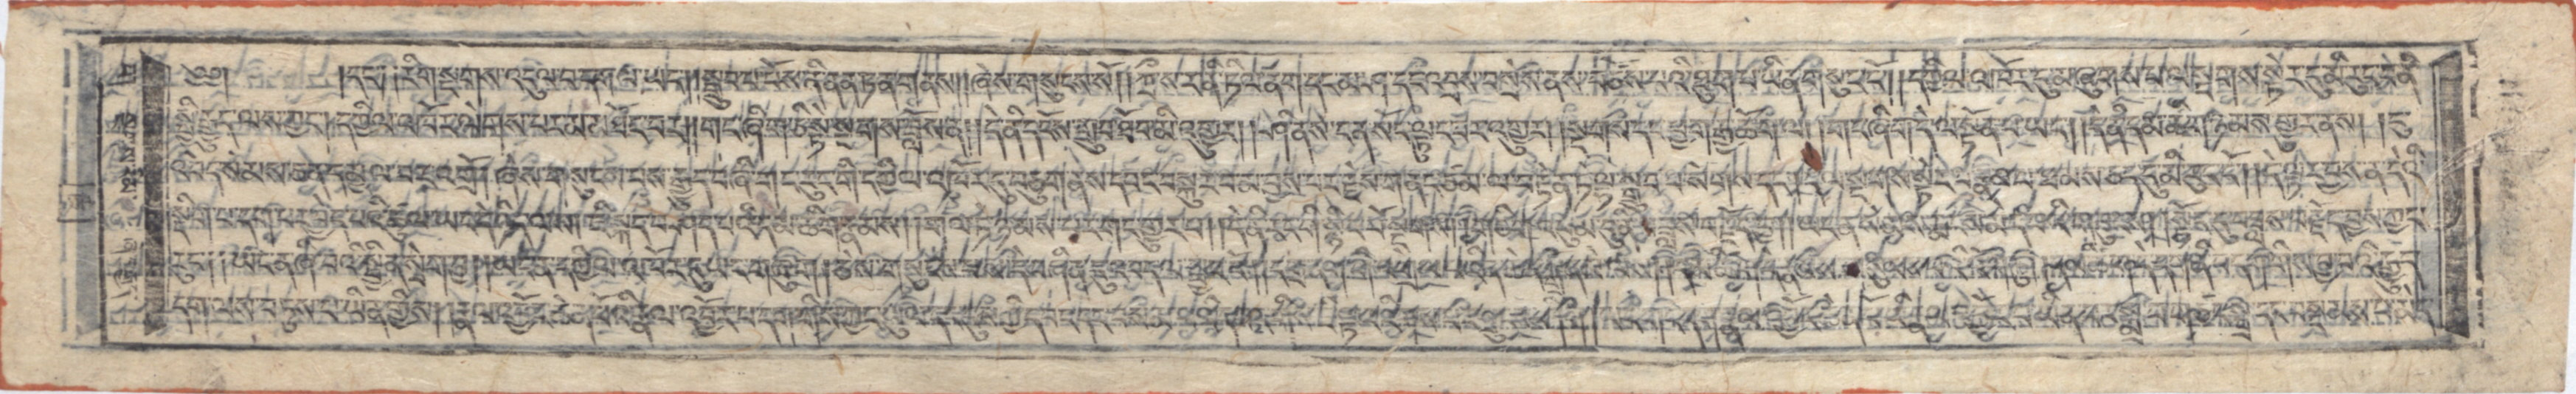༄༅། །དང༑ ༑རིག་སྔགས་འདུལ་བ་དག་ལ་ཡང་། །སྒྲུབ་པ་པོས་ནི་ནན་ཏན་གནས། །ཞེས་གསུངས་སོ། །ཀྲྀ་ས་ར་ནི་ཏིལ་ནག་དང་མ་ཤ་དང་འབྲས་བསྲེས་ནས་བཙོས་པའི་ཐུག་པ་ཡིན་གསུང་ངོ། །དཀྱིལ་འཁོར་དུ་མ་ཞུགས་པ་ལ་སྔགས་སྟེར་དུ་མི་རུང་བ་ནི་
སྤྱི་རྒྱུད་ལས་ཀྱང་། དཀྱིལ་འཁོར་ལེགས་པར་མ་མཐོང་བར། །གང་ཞིག་ཅི་སྟེ་སྔགས་ཟློས་ན། །དེ་ནི་དངོས་གྲུབ་ཐོབ་མི་འགྱུར། །ཤི་ནས་ངན་སོང་ལྟུང་བར་འགྱུར། །སྔགས་དང་ཕྱག་རྒྱ་ཆོ་ག་ལ། །གང་ཞིག་དེ་ལ་སྟོན་པ་ཡང་། །དེ་ནི་དམ་ཚིག་ཉམས་གྱུར་ནས། །ངུ་
འབེད་སེམས་ཅན་དམྱལ་བར་འགྲོ། ཞེས་གསུངས་པས་རྒྱུད་བཞི་གང་རུང་གི་དཀྱིལ་འཁོར་དུ་བཅུག་ནས་དབང་བསྐུར་བ་མ་བྱས་པར་རྗེས་གནང་ཙམ་ལ་བརྟེན་ཏེ་ལྷ་སྒྲུབ་པ་སོགས་དང་། དེ་ལ་སྔགས་སྟེར་བ་རྣམ་པ་ཐམས་ཅད་དུ་མི་རུང་ངོ། །དེ་ལྟར་བྱས་ན་དེའི་
སྡིག་པ་དག་པར་བྱེད་པའི་ཚུལ་ཡང་དེ་ཉིད་ལས། ཇི་སྐད་བཤད་པའི་དམ་ཚིག་རྣམས། །གལ་ཏེ་ཉམས་པར་གང་གྱུར་པ། །དེ་ནི་རང་གི་སྙིང་པོ་སྔགས། །གཅིག་འབུམ་དུ་ནི་བཟླས་བརྗོད་བྱ། །ཡང་ན་སེམས་རྨངས་མེད་པའི་གཟུངས། །སྟོང་དུ་བཟླས་བརྗོད་བྱས་ཀྱང་
རུང༑ ༑ཡང་ན་ཞི་བའི་སྦྱིན་སྲེག་བྱ། །ཡང་ན་དཀྱིལ་འཁོར་དུ་ཡང་གཞུག །ཅེས་གསུངས་པས་དེ་བཞིན་དུ་འབད་ལ་སྦྱང་ངོ། །དགྲ་ནག་གི་འགྲེལ་པ་རིན་ཆེན་སྒྲོན་མེ་ལས། །དམ་ཚིག་དེ་རྣམས་གསུངས་པའི་འོག་ཏུ། །དམ་ཚིག་དེ་དག་ནི་བདག་གིས་བྱ་བའི་རྒྱུད་
དག་ལས་བཏུས་པ་ཡིན་གྱིས། །རྣལ་འབྱོར་ཆེན་པོའི་རྣལ་འབྱོར་པ་དག་གིས་ཀྱང་ཡུལ་དང་དུས་ཀྱི་དབང་དང་བསམ་པའི་དབང་གིས་ཇི་ལྟར་རིགས་པར་སྲུངས་ཤིག །ཡང་གང་དག་རྣལ་འབྱོར་ཆེན་པོ་ཡི་རྣལ་འབྱོར་པ་ཡིན་པར་སྨྲ་བ་གཙང་སྦྲ་དང་བསྡམས་པ་མེད་